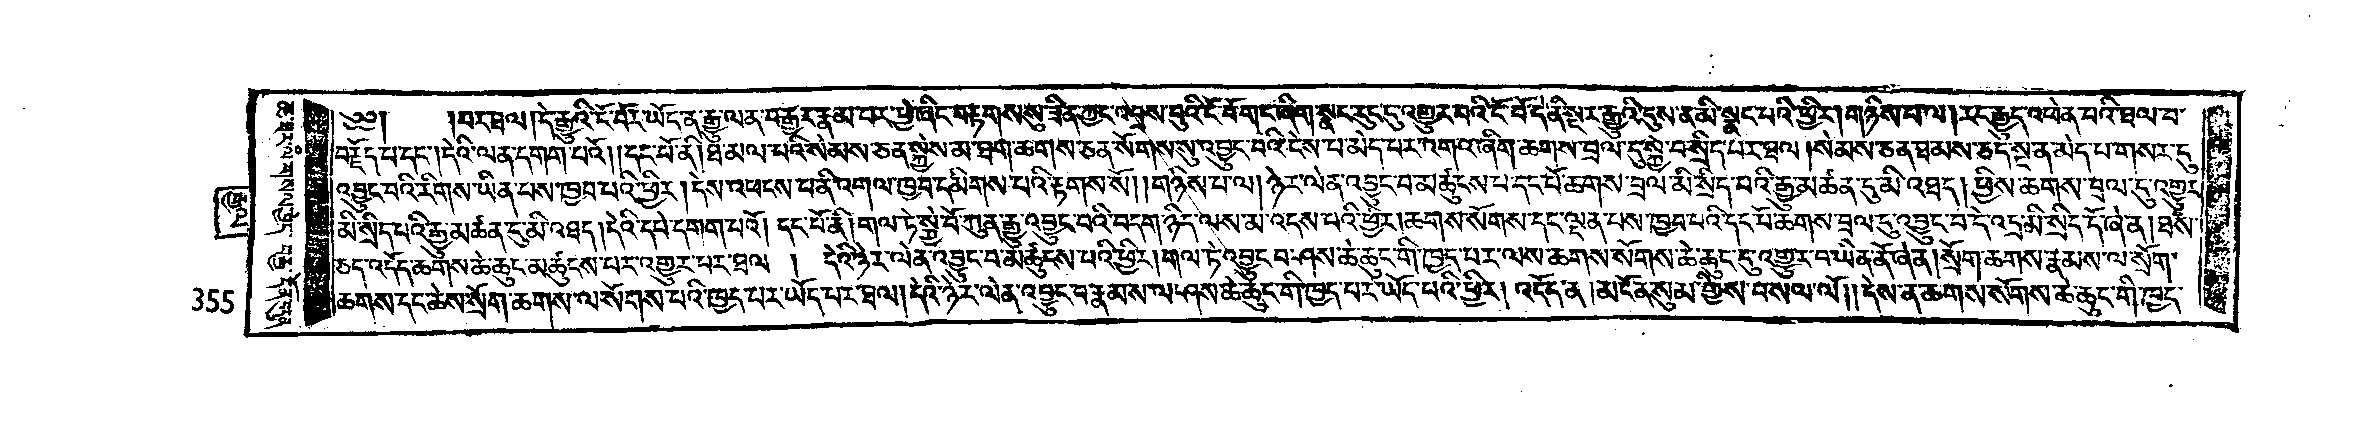༄༅། །པར་ཐལ། དེ་རྒྱུའི་ངོ་བོར་ཡོད་ན་རྒྱུ་ལན་བརྒྱར་རྣམ་པར་ཕྱེ་ཞིང་བརྟགས་སུ་ཟིན་ཀྱང་འབྲས་བུའི་ངོ་བོ་གང་ཞིག་སྣང་རུང་དུ་འགྱུར་བའི་ངོ་བོ་དེ་ནི་སྔར་རྒྱུའི་དུས་ན་མི་སྣང་བའི་ཕྱིར། གཉིས་པ་ལ། རང་རྒྱུད་འཕེན་པའི་ཐལ་བ་
བརྗོད་པ་དང་། དེའི་ལན་དགག་པའོ། །དང་པོ་ནི། ཐ་མལ་པའི་སེམས་ཅན་སྐྱེས་མ་ཐག་ཆགས་ཅན་སོགས་སུ་འབྱུང་བའི་ངེས་པ་མེད་པར་འགའ་ཞིག་ཆགས་བྲལ་དུ་སྐྱེ་བ་སྲིད་པར་ཐལ་།སེམས་ཅན་ཐམས་ཅད་སྔ་ན་མེད་པ་གསར་དུ་
འབྱུང་བའི་རིགས་ཡིན་པས་ཁྱབ་པའི་ཕྱིར། དེས་འཕངས་པ་ནི་འགལ་ཁྱབ་དམིགས་པའི་རྟགས་སོ། །གཉིས་པ་ལ། ཉེར་ལེན་འབྱུང་བ་མཚུངས་པ་དང་པོ་ཆགས་བྲལ་མི་སྲིད་པའི་རྒྱུ་མཚན་དུ་མི་འཐད། ཕྱིས་ཆགས་བྲལ་དུ་འགྱུར་
མི་སྲིད་པའི་རྒྱུ་མཚན་དུ་མི་འཐད། དེའི་དཔེ་དགག་པའོ། དང་པོ་ནི། གལ་ཏེ་སྐྱེ་བོ་ཀུན་རྒྱུ་འབྱུང་བའི་བདག་ཉིད་ལས་མ་འདས་པའི་ཕྱིར། ཆགས་སོགས་དང་ལྡན་པས་ཁྱབ་པའི་དང་པོ་ཆགས་བྲལ་དུ་འབྱུང་བ་དེ་འདྲ་མི་སྲིད་དོ་ཞེ་ན། ཐཾས་
ཅད་འདོད་ཆགས་ཆེ་ཆུང་མཚུངས་པར་འགྱུར་བར་ཐལ། དེའི་ཉེར་ལེན་འབྱུང་བ་མཚུངས་པའི་ཕྱིར། གལ་ཏེ་འབྱུང་བ་ཤས་ཆེ་ཆུང་གི་ཁྱད་པར་ལས་ཆགས་སོགས་ཆེ་ཆུང་དུ་འགྱུར་བ་ཡིན་ནོ་ཞེ་ན། སྲོག་ཆགས་རྣམས་ལ་སྲོག་
ཆགས་དང་ཆེས་སྲོག་ཆགས་ལ་སོགས་པའི་ཁྱད་པར་ཡོད་པར་ཐལ། དེའི་ཉེར་ལེན་འབྱུང་བ་རྣམས་ལ་ཤས་ཆེ་ཆུང་གི་ཁྱད་པར་ཡོད་པའི་ཕྱིར། འདོད་ན་།མངོན་སུམ་གྱིས་བསལ་ལོ། །དེས་ན་ཆགས་སོགས་ཆེ་ཆུང་གི་ཁྱད་